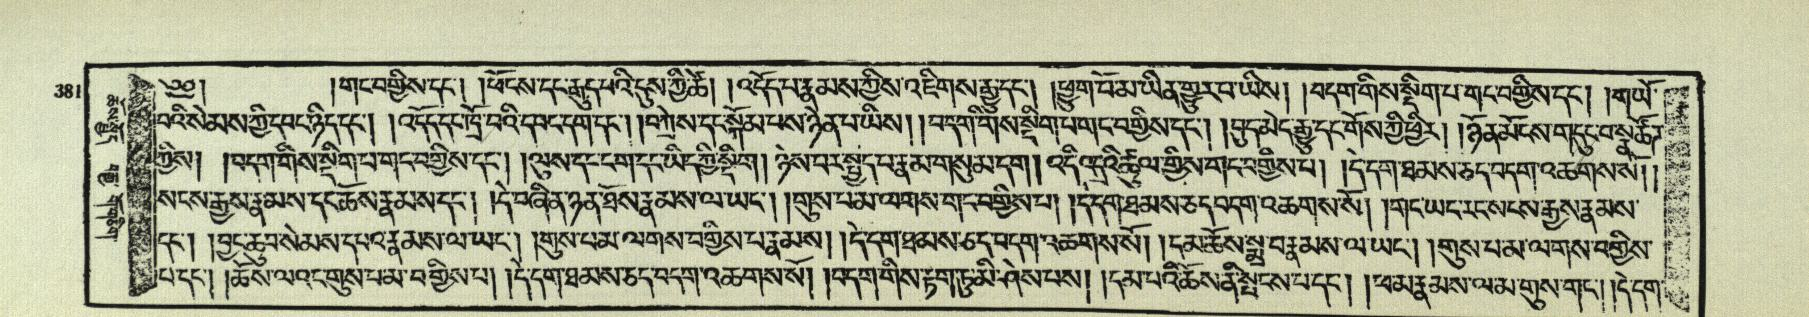༄༅། །གང་བགྱིས་དང་། །ཕོངས་དང་རྒུད་པའི་དུས་ཀྱི་ཚེ། །འདོད་པ་རྣམས་ཀྱིས་འཇིགས་རྒྱུ་དང་། །ཕྱུག་པོ་མ་ཡིན་གྱུར་པ་ཡིས། །བདག་གིས་སྡིག་པ་གང་བགྱིས་དང་། །གཡོ་
བའི་སེམས་ཀྱི་དབང་ཉིད་དང་། །འདོད་དང་ཁྲོ་བའི་དབང་དག་དང་། །བཀྲེས་དང་སྐོམ་པས་ཉེན་པ་ཡིས། །བདག་གིས་སྡིག་པ་གང་བགྱིས་དང་། །བུད་མེད་རྒྱུ་དང་གོས་ཀྱི་ཕྱིར། །ཉོན་མོངས་གདུང་བ་སྣ་ཚོཌ་
ཀྱིས། །བདག་གིས་སྡིག་པ་གང་བགྱིས་དང་། །ལུས་དང་ངག་དང་ཡིད་ཀྱི་སྡིག། ཉེས་པར་སྤྱད་པ་རྣམ་གསུམ་དག། འདི་འདྲའི་ཚུལ་གྱིས་གང་བགྱིས་པ། །དེ་དག་ཐམས་ཅད་བདག་འཆགས་སོ། །
སངས་རྒྱས་རྣམས་དང་ཆོས་རྣམས་དང་། །དེ་བཞིན་ཉན་ཐོས་རྣམས་ལ་ཡང་། །གུས་པ་མ་ལགས་གང་བགྱིས་པ། །དེ་དག་ཐམས་ཅད་བདག་འཆགས་སོ། །གང་ཡང་རང་སངས་རྒྱས་རྣམས་
དང་། །བྱང་ཆུབ་སེམས་དཔའ་རྣམས་ལ་ཡང་། །གུས་པ་མ་ལགས་བགྱིས་པ་རྣམས། །དེ་དག་ཐམས་ཅད་བདག་འཆགས་སོ། །དམ་ཆོས་སྨྲ་བ་རྣམས་ལ་ཡང་། །གུས་པ་མ་ལགས་བགྱིས་
པ་དང་། །ཆོས་ལའང་གུས་པ་མ་བགྱིས་པ། །དེ་དག་ཐམས་ཅད་བདག་འཆགས་སོ། །བདག་གིས་རྟག་ཏུ་མི་ཤེས་པས། །དམ་པའི་ཆོས་ནི་སྤངས་པ་དང་། །ཕ་མ་རྣམས་ལ་མ་གུས་གང་། །དེ་དག་